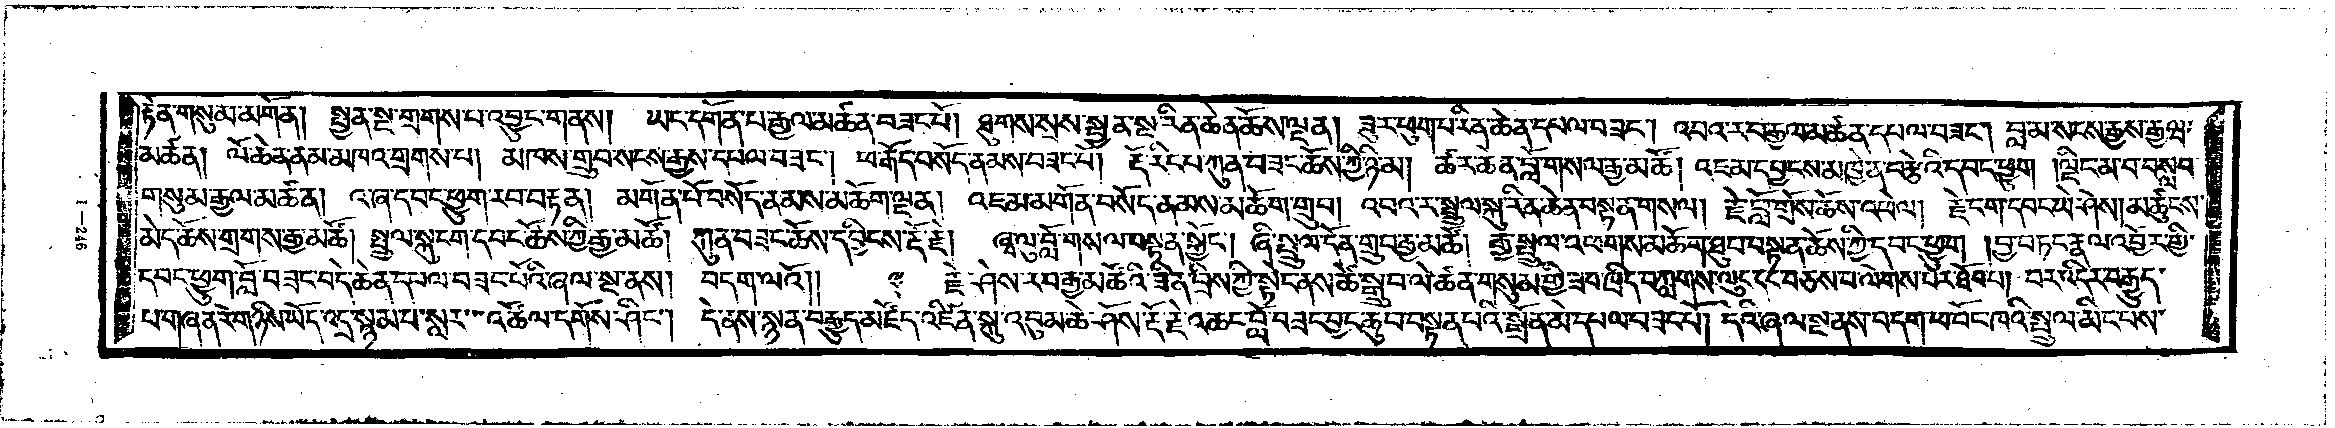རྟེན་གསུམ་མགོན། སྤྱན་སྔ་གྲགས་པ་འབྱུང་གནས། ཡང་དགོན་པ་རྒྱལ་མཚན་བཟང་པོ། ཐུགས་སྲས་སྦྱན་སྔ་རིན་ཆེན་ཆོས་ལྡན། ཟུར་ཕུག་པ་རིན་ཆེན་དཔལ་བཟང་། འབའ་རབ་རྒྱལ་མཚན་དཔལ་བཟང་། བླ་མ་སངས་རྒྱས་རྒྱ་ཝ་
མཚན། ལོ་ཆེན་ནམ་མཁའ་གྲགས་པ། མཁས་གྲུབ་སངས་རྒྱས་དཔལ་བཟང་། ཕ་རྒོད་བསོད་ནམས་བཟང་པོ། རྡོ་རིང་པ་ཀུན་བཟང་ཆོས་ཀྱི་ཉི་མ། ཚར་ཆེན་བློ་གསལ་རྒྱ་མཚོ། འཇམ་དབྱངས་མཁྱེན་བརྩེའི་དབང་ཕྱུག །ལྡིང་མ་བ་བསླབ་
གསུམ་རྒྱལ་མཚན། འ་ཞ་དབང་ཕྱུག་རབ་བརྟན། མགོན་པོ་བསོད་ནམས་མཆོག་ལྡན། འཇམ་མགོན་བསོད་ནམས་མཆོག་གྲུབ། འབའ་ར་སྤྲུལ་སྐུ་རིན་ཆེན་བསྟན་གསལ། རྗེ་བློ་གྲོས་ཆོས་འཕེལ། རྗེ་ངག་དབང་ཡེ་ཤེས། མཚུངས་
མེད་ཆོས་གྲགས་རྒྱ་མཚོ། སྤྲུལ་སྐུ་ངག་དབང་ཆོས་ཀྱི་རྒྱ་མཚོ། ཀུན་བཟང་ཆོས་དབྱིངས་རྡོ་རྗེ། ཞྭ་ལུ་བློ་གསལ་བསྟན་སྐྱོང་། ཞི་སྤྲུལ་དོན་གྲུབ་རྒྱ་མཚོ། རྒྱ་སྤྲུལ་འཕགས་མཆོག་ཐུབ་བསྟན་ཆོས་ཀྱི་དབང་ཕྱུག །བྱ་བཏང་རྣལ་འབྱོར་གྱི་
དབང་ཕྱུག་བློ་བཟང་བདེ་ཆེན་དཔལ་བཟང་པོའི་ཞལ་སྔ་ནས། བདག་ལའོ།། འ་རྗེ་ཤེས་རབ་རྒྱ་མཚོའི་ཟིན་བྲིས་ཀྱི་སྟེང་ནས་ཚེ་སྒྲུབ་ལེ་ཚན་གསུམ་གྱི་ཟབ་ཁྲིད་བཀླགས་ལུང་དང་བཅས་པ་ལེགས་པར་ཐོབ་པ། བར་འདིར་བརྒྱུད་
པ་གཞན་རེ་གཉིས་ཡོད་འདྲ་སྙམ་པ་སླར་འཚོལ་དགོས་ཤིང་། དེ་ནས་སྙན་བརྒྱུད་མཛོད་འཛིན་སྐུ་འབུམ་ཆེ་ཤོས་རྡོ་རྗེ་འཆང་བློ་བཟང་བྱང་ཆུབ་བསྟན་པའི་སྒྲོན་མེ་དཔལ་བཟང་པོ། དེའི་ཞལ་སྔ་ནས་བདག་ཕ་བོང་ཁའི་སྤྲུལ་མིང་པས་